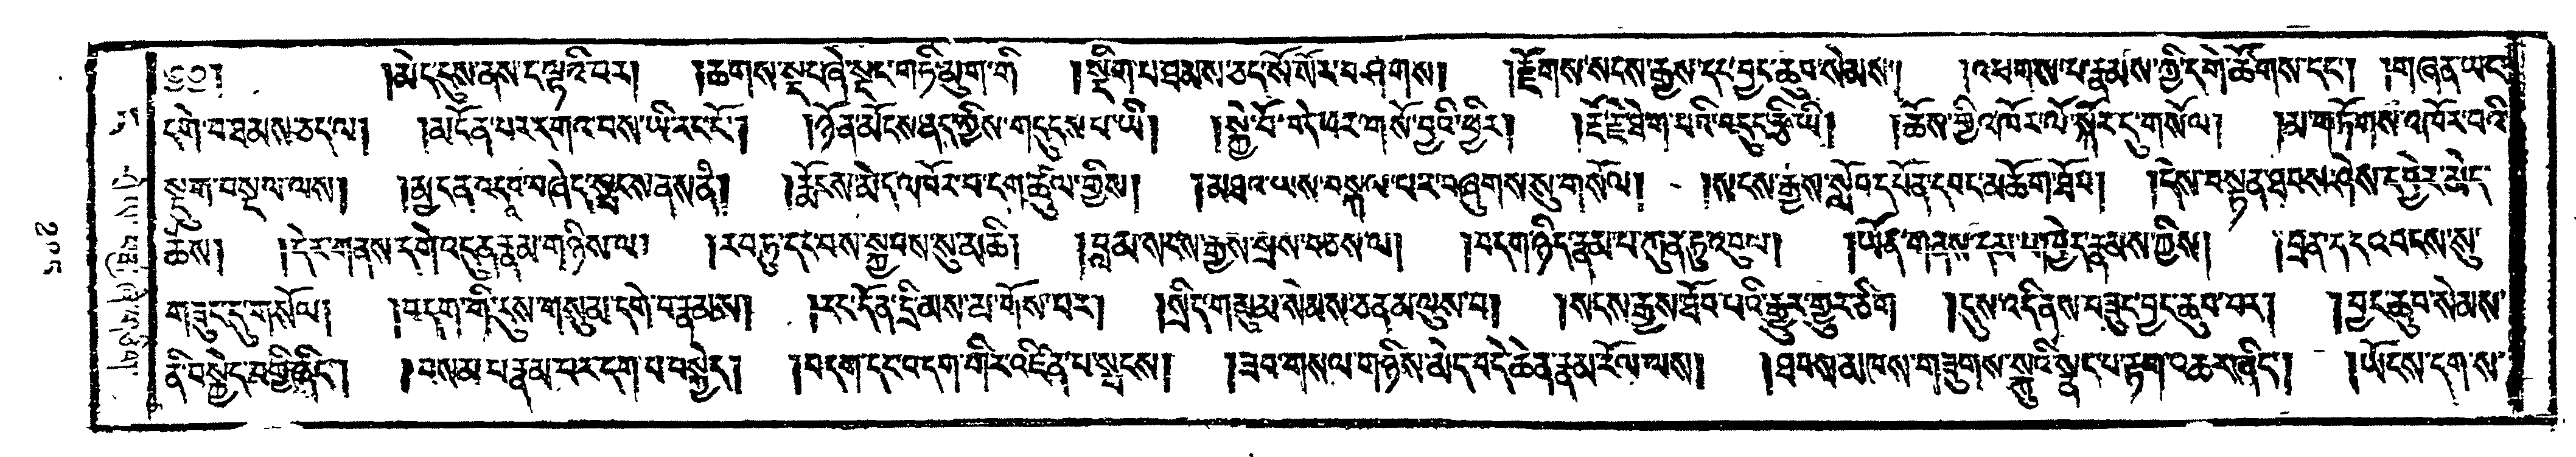༄༅། །མེད་དུས་ནས་ད་ལྟའི་བར། །ཆགས་སྡང་ཞེ་སྡང་གཏི་མུག་གི །སྡིག་པ་ཐམས་ཅད་སོ་སོར་བཤགས། །རྫོགས་སངས་རྒྱས་དང་བྱང་ཆུབ་སེམས། །འཕགས་པ་རྣམས་ཀྱི་དགེ་ཚོགས་དང་། །གཞན་ཡང་
དགེ་བ་ཐམས་ཅད་ལ། །མངོན་པར་དགའ་བས་ཡི་རང་ངོ། །ཉོན་མོངས་ནད་ཀྱིས་གདུངས་པ་ཡི། །སྐྱེ་བོ་བདེ་ཕར་གསོ་བྱའི་ཕྱིར། །རྡོ་རྗེ་ཐེག་པའི་བདུད་རྩི་ཡི། །ཆོས་གྱི་འཁོར་ལོ་སྐོར་དུ་གསོལ། །མ་གཏོགས་འཁོར་བའི་
སྡུག་བསྔལ་ལས། །མྱ་ངན་འདཱའ་བཞེད་སྤངས་ནས་ནི། །རྨོངས་མེད་འཁོར་བ་དག་ཚུལ་གྱིས། །མཐའ་ཡས་བསྐལ་བར་བཞུགས་སུ་གསོལ། །སངས་རྒྱས་སློབ་དཔོན་དབང་མཆོག་ཐོབ། །དེས་བསྟན་ཐབས་ཤེས་དབྱེར་མེད་
ཆོས། །དེར་གནས་དགེ་འདུན་རྣམ་གཉིས་ལ། །རབ་ཏུ་དང་བས་སྐྱབས་སུ་མཆི། །བླ་མ་སངས་རྒྱས་སྲས་བཅས་ལ། །བདག་ཉིད་རྣམ་པ་ཀུན་ཏུ་འབུལ། །ཡོན་གནས་དམ་པ་ཁྱེད་རྣམས་ཀྱིས། །བྲན་དད་འབངས་སུ་
གཟུང་དུ་གསོལ། །བདག་གི་དུས་གསུམ་དགེ་བ་རྣམས། །རང་དོན་དྲི་མས་མ་གོས་བར། །སྲིད་གསུམ་སེམས་ཅན་མ་ལུས་པ། །སངས་རྒྱས་ཐོབ་པའི་རྒྱུར་གྱུར་ཅིག །དུས་འདི་ནས་བཟུང་བྱང་ཆུབ་བར། །བྱང་ཆུབ་སེམས་
ནི་བསྐྱེད་བགྱི་ཞིང་། །བསམ་པ་རྣམ་པར་དག་པ་བསྐྱེད། །བདག་དང་བདག་གིར་འཛིན་པ་སྤངས། །ཟབ་གསལ་གཉིས་མེད་བདེ་ཆེན་རྣམ་རོལ་ལས། །ཐབས་མཁས་གཟུགས་སྐུའི་སྣང་པ་རྟག་འཆར་ཞིང་། །ཡོངས་དག་ས་